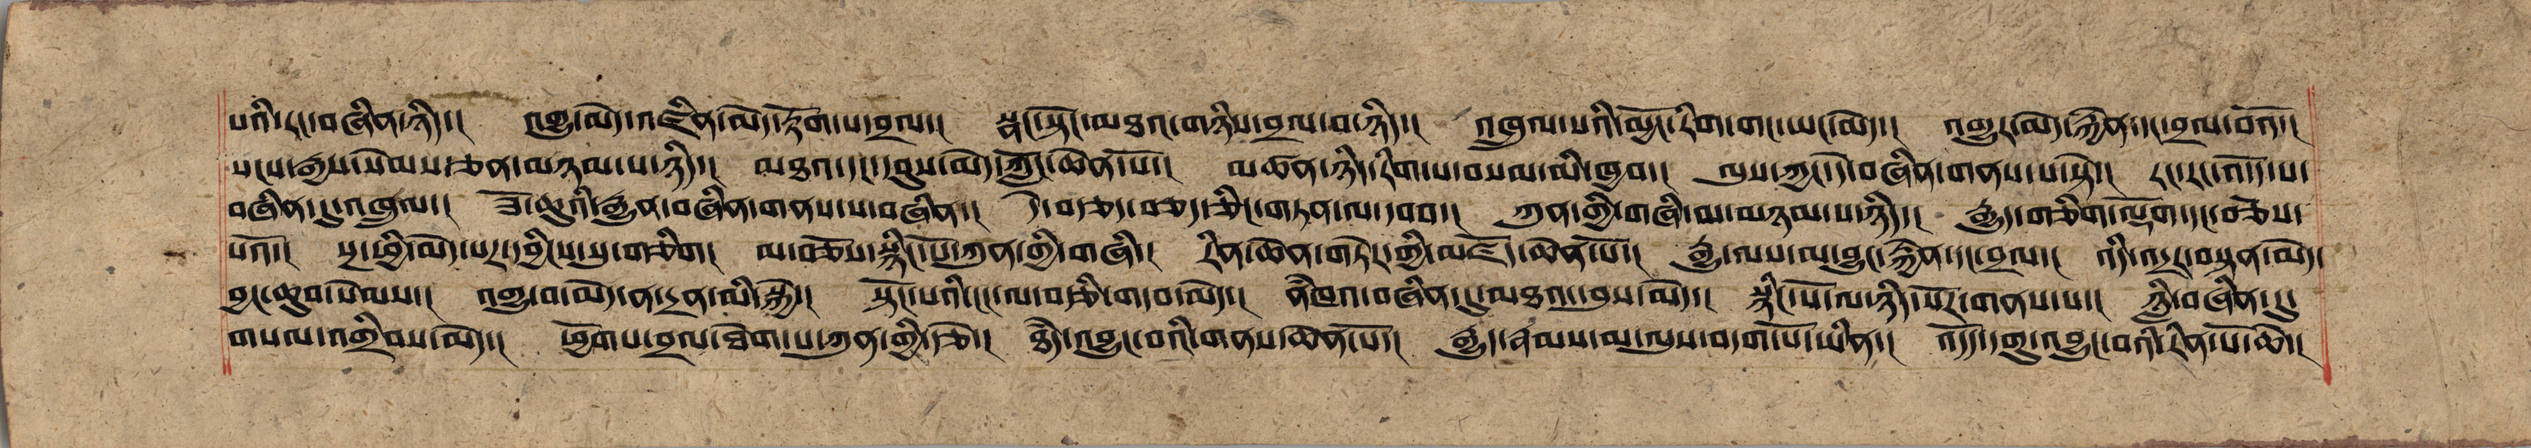པའི་རང་བཞིན་ཉིད་། འགྱུ་མེད་འཛིན་མེད་རྟོག་པ་བྲལ་། སྣང་སྟོང་མཐའ་གཉིས་བྲལ་བ་ཉིད་། འཁྲུལ་པའི་མྱོང་རིག་གང་ཡང་མེད་། འགྱུར་མེད་རྐྱེན་དང་བྲལ་བའོ་།
སངས་རྒྱས་སེམས་ཅན་མཉམ་པ་ཉིད་། མཐའ་དང་དབུས་མེད་ཀློང་ཆེན་པོ་། མཚན་ཉིད་རིག་པ་བསམ་མི་ཁྱབ་། ལུས་ཀྱང་དེ་བཞིན་གནས་པ་སྟེ་། རང་རང་འདོད་པ་
བཞིན་དུ་འཁྲུལ་། ཟོ་ཆུའི་རྒྱུན་བཞིན་གནས་པ་བཞིན་། དེ་བརྩད་བཅད་ཅིང་གཏན་ལ་དབབ་། ཀུན་གྱི་གཞི་མ་མཉམ་པ་ཉིད་། རྒྱུད་གཅིག་ལྡོག་དང་བཅས་
པའོ་། སྔ་ཕྱི་མེད་པར་དབྱིངས་སུ་གཅིག། མབཅོས་སྙིང་པོ་ཀུན་གྱི་བཞི་། རིན་ཆེན་གཏེར་གྱི་མཛོད་ཆེན་པོ་། རྒྱུ་ལས་མ་བྱུང་རྐྱེན་དང་བྲལ་། འདི་འདྲར་བསྟན་མེད་
བྱང་ཆུབ་སེམས་། འགྱུ་བ་མེད་ན་དྲན་མི་སྐྱེ་། སྟོང་པའི་ངང་ལ་བརྩི་གདབ་མེད་། ནཾཁའ་བཞིན་དུ་མཐའ་དབུས་མེད་། སྙིང་པོ་ལ་ཉིད་སོར་གནས་པ་། ཉླི་བཞིན་དུ་
གསལ་འགྲིབས་མེད་། ཕྱོགས་བྲལ་ཐེག་པ་ཀུན་གྱི་རྩེ་། ཐཾད་འབྱུང་བའི་གནས་ཆེན་པོ་། རྒྱུད་རྣམས་མ་ལུས་བདག་པོ་ཡིན་། འདོད་དགུ་འབྱུང་བའི་རིན་པོ་ཆེ་།